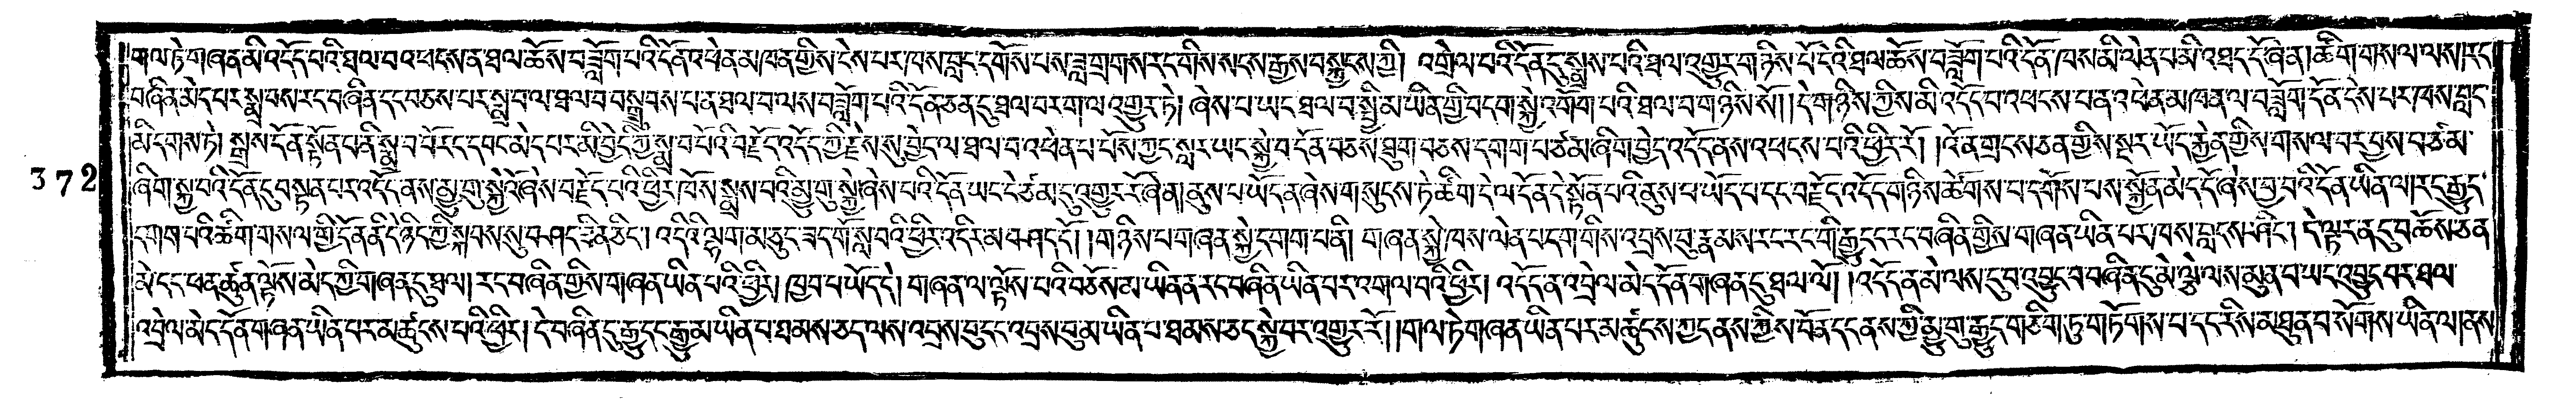གལ་ཏེ་གཞན་མི་འདོད་བའི་ཐལ་བ་འཕངས་ན་ཐལ་ཆོས་བཟློག་པའི་དོན་འཕེན་མཁན་གྱིས་ངེས་པར་ཁས་བླང་དགོས་པས་ཟླ་གྲགས་རང་གིས་སངས་རྒྱས་བསྐྱངས་ཀྱི། འགྲེལ་བའི་དོན་དུ་སྨྲས་པའི་ཐལ་འགྱུར་གཉིས་པོ་དེའི་ཐལ་ཆོས་བཟློག་པའི་དོན་ཁས་མི་ལེན་པ་མི་འཐད་དོ་ཞེས་ན། ཚིག་གསལ་ལས། རང་
བཞིན་མེད་པར་སྨྲ་བས་རང་བཞིན་དང་བཅས་པར་སྨྲ་བ་ལ་ཐལ་བ་བསྒྲུབས་པ་ན་ཐལ་བ་ལས་བཟློག་པའི་དོན་ཅན་དུ་ཐལ་བར་གལ་འགྱུར་ཏེ། ཞེས་པ་ཡང་ཐལ་བ་སྤྱི་མ་ཡིན་གྱི་བདག་སྐྱེ་འགོག་པའི་ཐལ་བ་གཉིས་སོ། །དེ་གཉིས་ཀྱིས་མི་འདོད་པ་འཕངས་བན་འཕེན་མཁན་ལ་བཟློག་དོན་དེས་པར་ཁས་བླང་
མི་དགས་ཏེ། སྒྲས་དོན་སྟོན་པ་ནི་སྨྲ་བ་པོ་རང་དབང་མེད་པར་མི་བྱེད་ཀྱི་སྨྲ་བ་པོའི་བརྗོད་འདོད་ཀྱི་རྗེས་སུ་བྱེད་ལ་ཐལ་བ་འཕེན་པ་པོས་ཀྱང་སླར་ཡང་སྐྱེ་བ་དོན་བཅས་ཐུག་བཅས་དགག་པ་ཙམ་ཞིག་བྱེད་འདོད་ནས་འཕངས་པའི་ཕྱིར་རོ། །འོ་ན་གྲངས་ཅན་གྱིས་སྔར་ཡོད་རྐྱེན་གྱིས་གསལ་བར་བྱས་བ་ཙམ་
ཞིག་སྐྱ་བའི་དོན་དུ་བསྟན་པར་འདོད་ནས་མྱུ་གུ་སྐྱེའོ་ཞེས་བརྗོད་པའི་ཕྱིར་ཁོས་སྨྲས་བའི་མྱུ་གུ་སྐྱེ་ཞེས་པའི་དོན་ཡང་དེ་ཙམ་དུ་འགྱུར་རོ་ཞ་ན། ནུས་པ་ཡོད་ན་ཞེས་གསུངས་ཏེ་ཚིག་དེ་ལ་དོན་དེ་སྟོན་པའི་ནུས་པ་ཡོད་པ་དང་བརྗོད་འདོད་གཉིས་ཚོགས་པ་དགོས་པས་སྐྱོན་མེད་དོ་ཞེས་བྱ་བའི་དོན་ཡིན་ལ། རང་རྒྱུད་
དགག་པའི་ཚིག་གསལ་གྱི་དོན་ནི་དེ་ཉིད་ཀྱི་སྐབས་སུ་བཤད་ཟིན་ཅིང་། འདིའི་ལྷག་མ་ཅུང་ཟད་གོ་སླ་བའི་ཕྱིར་འདིར་མ་བཤད་དོ། །གཉིས་པ་གཞན་སྐྱེ་དགག་པ་ནི། གཞན་སྐྱེ་ཁས་ལེན་པ་དག་གིས་འབྲས་བུ་རྣམས་རང་རང་གི་རྒྱུ་དང་རང་བཞིན་གྱིས་གཞན་ཡིན་པར་ཁས་བླངས་ཤིང་། དེ་ལྟར་ན་དུ་བ་ཆོས་ཅན་
མེད་དང་ཕན་ཚུན་ལྟོས་མེད་ཀྱི་གཞན་དུ་ཐལ། རང་བཞིན་གྱིས་གཞན་ཡིན་པའི་ཕྱིར། ཁྱབ་པ་ཡོད་དེ། གཞན་ལ་ལྟོས་པའི་བཅོས་མ་ཡིན་ན་རང་བཞིན་ཡིན་པར་འགལ་བའི་ཕྱིར། འདོད་ན་འབྲེལ་མེད་དོན་གཞན་དུ་ཐལ་ལོ། །འདོད་ན་མེ་ལས་དུ་བ་འབྱུང་བ་བཞིན་དུ་མེ་ལྕེ་ལས་མུན་པ་ཡང་འབྱུང་བར་ཐལ་
འབྲེལ་མེད་དོན་གཞན་ཡིན་བར་མཚུངས་པའི་ཕྱིར། དེ་བཞིན་དུ་རྒྱུ་དང་རྒྱུ་མ་ཡིན་པ་ཐམས་ཅད་ལས་འབྲས་བུ་དང་འབྲས་བུ་མ་ཡིན་པ་ཐམས་ཅད་སྐྱེ་བར་འགྱུར་རོ། །གལ་ཏེ་གཞན་ཡིན་པར་མཚུངས་ཀྱང་ནས་ཀྱིས་བོན་དང་ནས་ཀྱི་མྱུ་གུ་རྒྱུད་གཅིག་ཏུ་གཏོགས་པ་དང་རིས་མཐུན་བ་སོགས་ཡིན་ལ། ནས་